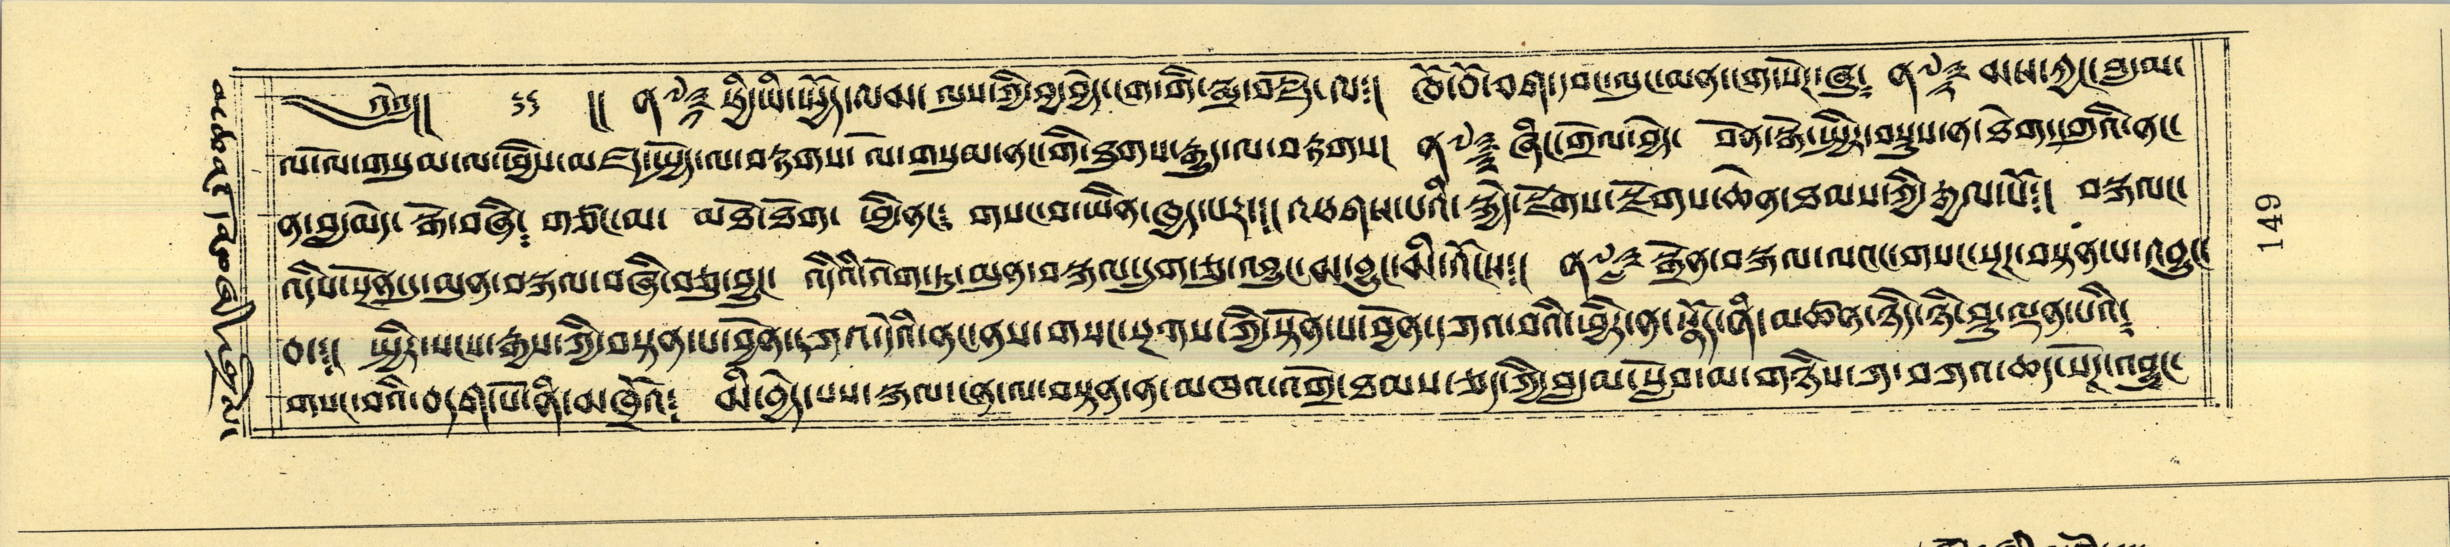ན༧༣།༡༼ཕྱི་ཡི་སྤྱོད་ལམ༽ལུས་ཀྱི་བྱ་བྱེད་ངག་གི་སྨྲ་བརྗོད་༼ལ༽༼ཁོ་བོ་ཅག༽དབང་ལུང་མན་ངག་སོགས་ཞུ་ན༧༣།༢༼མས་ཀྱང༽བླ་མ་
ལ་ལོ་གསུམ་ལ་ཕྱིས་མཛད་སྤྱོད་ལ་བརྟགས་ལོ་གསུམ་ནང་གི་ཐུགས་རྒྱུད་ལ་བརྟགས་ན༧༣།༣ ཞིང་གྲོལ་བྱེད་བོན་སྒོ་སྤྱིར་བསྡུས་ན་ཐེག་དགུའི་ནང་
ན་བླ་མེད་སྒོ་བཞི་གཙང་མ་མཐོ་ཐོག་ཕྱི་ནང་གསང་བ་ཡིན་པའི་༼ཁྱད་པར་འཕགས་པའི༽བསྐྱེད་རྫོགས་རྫོགས་ཆེན་ཐམས་ཅད་ཀྱི་༼རྒྱལ་པོ༽བསྐལ་
བཟང་འདིས་སྔོན་དུ་མུན་བསྐལ་བཞི་བཅུ་བྱུང་། འདིའི་འོག་ཏུ་མུན་བསྐལ་དྲུག་ཅུ་འབྱུང་།༼མ་བྱུང་མི་འོངས༽ན༧༣།༤སྒྲོན་བསྐལ་ལའང་གསང་སྔགས་བསྟན་པ་འབྱུང་
བ་སྤྱིར་སངས་རྒྱས་ཀྱི་བསྟན་པ་བྱོན་དཀའ་དེའི་ནང་ནས་གསང་སྔགས་ཀྱི་སྟོན་པ་བྱོན་དཀའ་བའི་ཕྱིར་ན་༼སྣོད་ནི༽མཚན་ཉིད་ཉི་ཤུ་ལྡན་པའི་
གསང་བའི་༼བདག་པོ་ནི་མཁའ་འགྲོ་མི་བྱེད༽པས་སྐལ་ངན་ལ་བསྟན་ན་མཁའ་འགྲོ་ཐམས་ཅད་ཀྱི་བླ་མ་སློབ་མ་གཉིས་ཀ་བཀའ་ཆད་སོགས་འབྱུང་